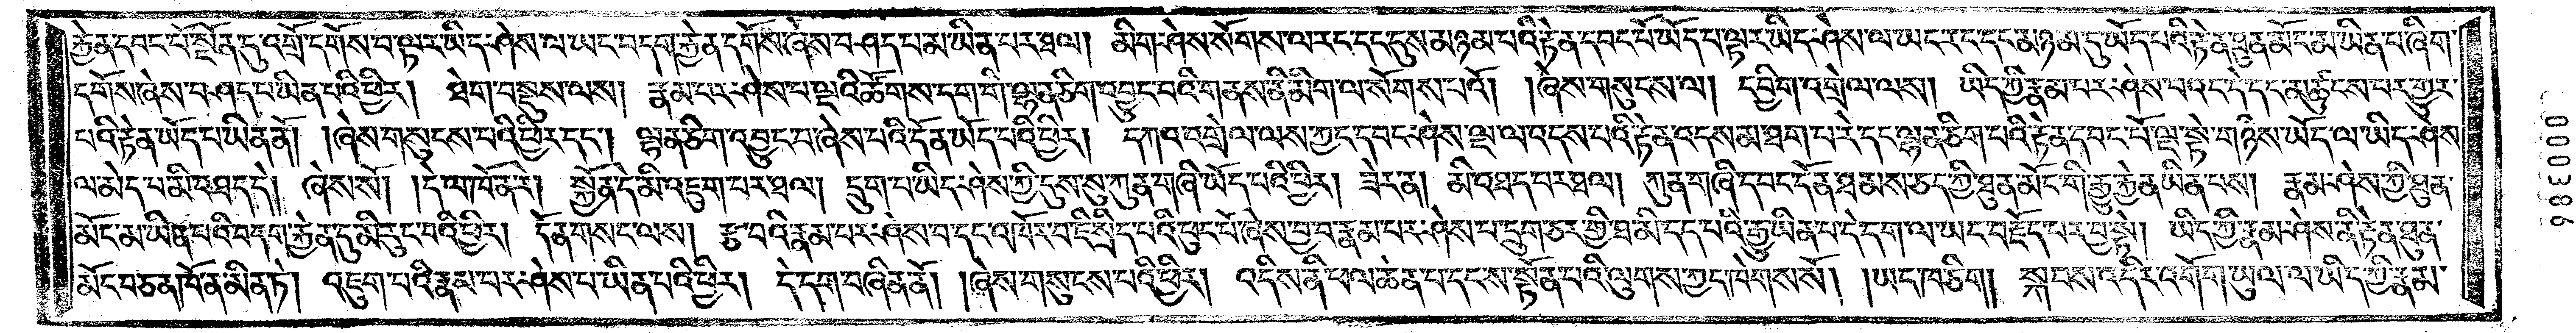རྐྱེན་དབང་པོ་སྔོན་དུ་འགྲོ་དགོས་པ་ལྟར་ཡིད་ཤེས་ལ་ཡང་བདག་རྐྱེན་དགོས་ཞེས་བཤད་བ་མ་ཡིན་པར་ཐལ། མིག་ཤེས་སོགས་ལ་རང་དང་དུས་མཉམ་པའི་རྟེན་དབང་པོ་ཡོད་བ་ལྟར་ཡིད་ཤེས་ལ་ཡང་རང་དང་མཉམ་དུ་ཡོད་པའི་རྟེན་ཐུན་མོང་མ་ཡིན་པ་ཞིག་
དགོས་ཞེས་བཤད་པ་ཡིན་པའི་ཕྱིར། ཐེག་བསྡུས་ལས། རྣམ་པར་ཤེས་བ་ལྔའི་ཚོགས་དག་གི་ལྷན་ཅིག་འབྱུང་བའི་གནས་ནི་མིག་ལ་སོགས་པའོ། །ཞེས་གསུངས་ལ། དབྱིག་འགྲེལ་ལས། ཡིད་ཀྱི་རྣམ་པར་ཤེས་པའང་དེ་དང་མཚུངས་བར་གྱུར་
པའི་རྟེན་ཡོད་པ་ཡིན་ནོ། །ཞེས་གསུངས་པའི་ཕྱིར་དང་། ལྷན་ཅིག་འབྱུང་བ་ཞེས་པའི་དོན་ཡོད་པའི་ཕྱིར། དཀའ་འགྲེལ་ལས་ཀྱང་དབང་ཤེས་ལྔ་ལ་འདས་པའི་རྟེན་འདས་མ་ཐག་པ་རེ་དང་ལྷན་ཅིག་པའི་རྟེན་དབང་པོ་ལྔ་སྟེ་གཉིས་ཡོད་ལ་ཡིད་ཤེས་
ལ་མེད་པ་མི་འཐད་དེ། ཞེས་སོ། །དེ་ལ་ཁོ་ན་རེ། སྐྱོན་དེ་མི་འཇུག་པར་ཐལ། དྲུག་པ་ཡིད་ཤེས་ཀྱི་དུས་སུ་ཀུན་གཞི་ཡོད་པའི་ཕྱིར། ཟེར་ན། མི་འཐད་པར་ཐལ། ཀུན་གཞི་དབང་དོན་ཐམས་ཅད་ཀྱི་ཐུན་མོང་གི་རྒྱུ་རྐྱེན་ཡིན་པས། རྣམ་ཤེས་ཀྱི་ཐུན་
མོང་མ་ཡིན་པའི་བདག་རྐྱེན་དུ་མི་རུང་བའི་ཕྱིར། དོན་གསང་ལས། རྩ་བའི་རྣམ་པར་ཤེས་བ་དང་འཁོར་བ་ཇི་སྲིད་པའི་ཕུང་པོ་ཞེས་བྱ་བ་རྣམ་པར་ཤེས་པ་དྲུག་ཅར་གྱི་ཐ་མི་དད་པའི་རྒྱུ་ཡིན་པ་དེ་དག་ལ་ཡང་བརྗོད་པར་བྱ་སྟེ། ཡིད་ཀྱི་རྣམ་ཤེས་ནི་རྟེན་ཐུན་
མོང་བ་ཅན་ཁོ་ན་མིན་ཏེ། འཇུག་པའི་རྣམ་པར་ཤེས་པ་ཡིན་པའི་ཕྱིར། དེ་དག་བཞིན་ནོ། །ཞེས་གསུངས་པའི་ཕྱིར། འདིས་ནི་ཕལ་ཆེན་པ་དང་ས་སྟོན་པའི་ལུགས་ཀྱང་ཁེགས་སོ། །ཡང་ཁ་ཅིག། སྐབས་འདིར་འགོག་ཡུལ་ལ་ཡིད་ཀྱི་རྣམ་